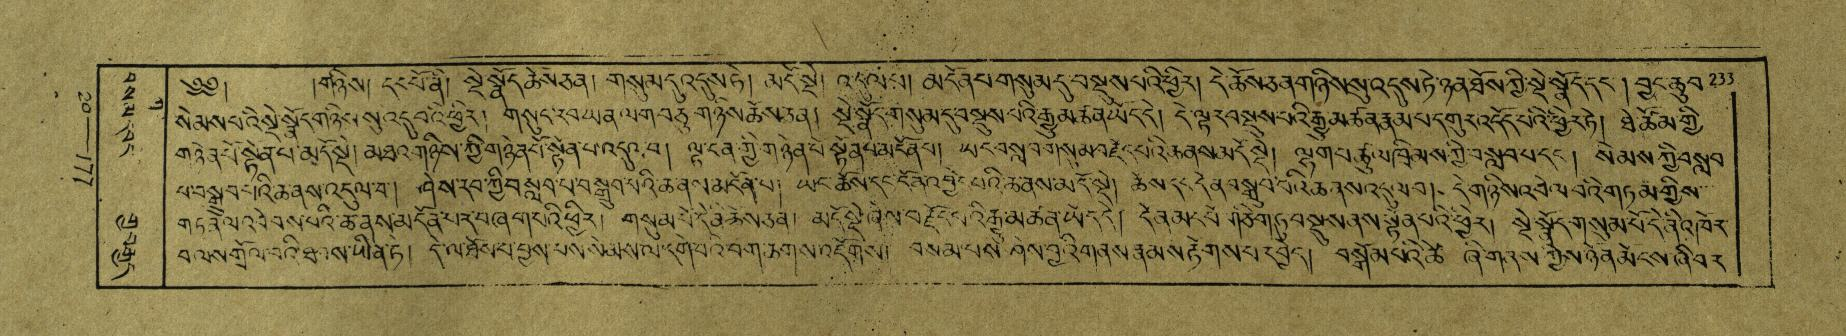༄༅། །གཉིས། དང་པོ་ནི། སྡེ་སྣོད་ཆོས་ཅན། གསུམ་དུ་འདུས་ཏེ། མདོ་སྡེ། འདུལ་བ། མངོན་པ་གསུམ་དུ་བསྡུས་པའི་ཕྱིར། དེ་ཆོས་ཅན་གཉིས་སུ་འདུས་ཏེ་ཉན་ཐོས་ཀྱི་སྡེ་སྣོད་དང་། བྱང་ཆུབ་
སེམས་པའི་སྡེ་སྣོད་གཉིས་སུ་འདུ་བའི་ཕྱིར། གསུང་རབ་ཡན་ལག་བཅུ་གཉིས་ཆོས་ཅན། སྡེ་སྣོད་གསུམ་དུ་བསྡུས་པའི་རྒྱུ་མཚན་ཡོད་དེ། དེ་ལྟར་བསྡུས་པའི་རྒྱུ་མཚན་རྣམ་པ་དགུར་འདོད་པའི་ཕྱིར་ཏེ། ཐེ་ཚོམ་གྱི་
གཉེན་པོ་སྟོན་པ་མདོ་སྡེ། མཐའ་གཉིས་ཀྱི་གཉེན་པོ་སྟོན་པ་འདུལ་བ། ལྟ་ངན་གྱི་གཉེན་པོ་སྟོན་པ་མངོན་པ། ཡང་བསླབ་གསུམ་བརྗོད་པའི་ཆ་ནས་མདོ་སྡེ། ལྷག་པ་ཚུལ་ཁྲིམས་ཀྱི་བསླབ་པ་དང་། སེམས་ཀྱི་བསླབ་
པ་བསྒྲུབ་པའི་ཆ་ནས་འདུལ་བ། ཤེས་རབ་ཀྱི་བསླབ་པ་བསྒྲུབ་པའི་ཆ་ནས་མངོན་པ། ཡང་ཆོས་དང་དོན་འབྱེད་པའི་ཆ་ནས་མདོ་སྡེ། ཆོས་དང་དོན་བསྒྲུབ་པའི་ཆ་ནས་འདུལ་བ། དེ་གཉིས་འབེལ་བའི་གཏམ་གྱིས་
གཏན་ལ་འབེབས་པའི་ཆ་ནས་མངོན་པར་བཞག་པའི་ཕྱིར། གསུམ་པོ་དེ་ནི་ཆོས་ཅན། མདོ་སྡེ་ཞེས་བརྗོད་པའི་རྒྱུ་མཚན་ཡོད་དེ། དོན་མང་པོ་གཅིག་ཏུ་བསྡུས་ནས་སྟོན་པའི་ཕྱིར། སྡེ་སྣོད་གསུམ་པོ་དེ་ནི་འཁོར་
བ་ལས་གྲོལ་བའི་ཐབས་ཡིན་ཏེ། དེ་ལ་ཐོས་པ་བྱས་པས་སེམས་ལ་དགེ་བའི་བག་ཆགས་འཇོགས། བསམ་པས་ཤེས་བྱའི་གནས་རྣམས་རྟོགས་པར་བྱེད། བསྒོམ་པའི་ཚེ་ཞི་གནས་ཀྱིས་ཉོན་མོངས་ཞི་བར་